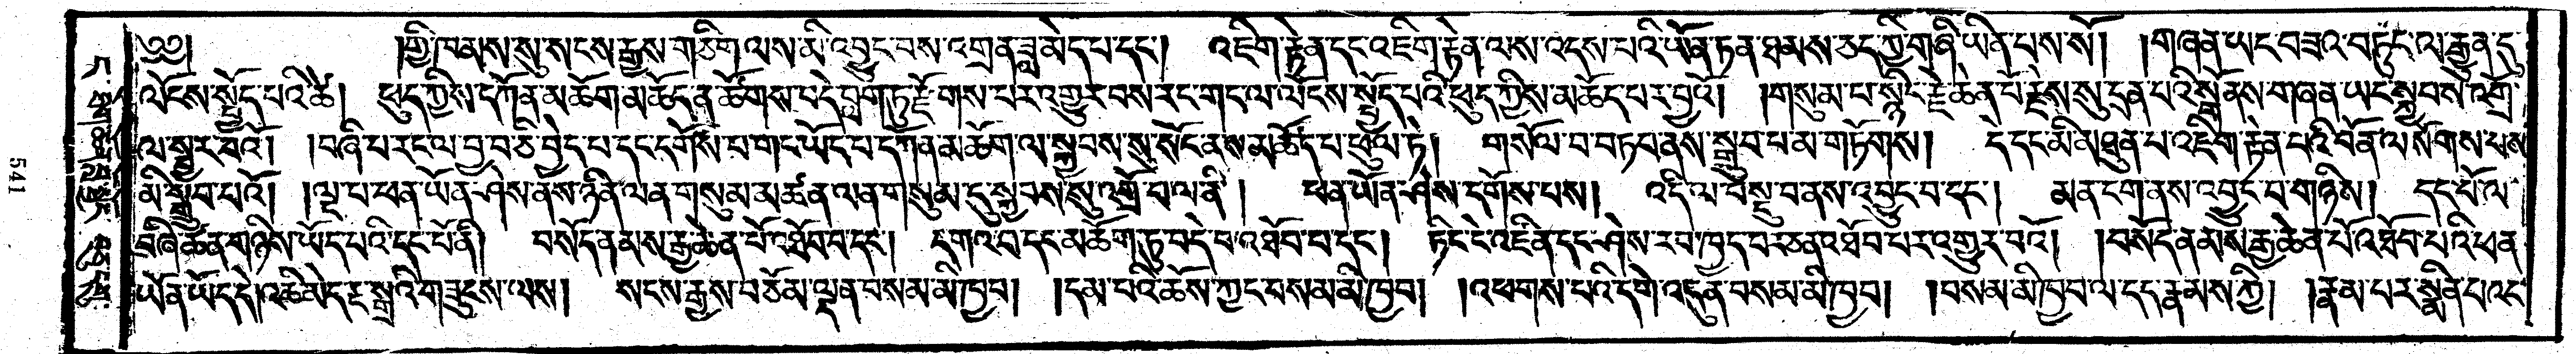༄༅། །གྱི་ཁམས་སུ་སངས་རྒྱས་གཅིག་ལས་མི་འབྱུང་བས་འགྲན་ཟླ་མེད་པ་དང་། འཇིག་རྟེན་དང་འཇིག་རྟེན་ལས་འདས་པའི་ཡོན་ཏན་ཐམས་ཅད་ཀྱི་གཞི་ཡིན་པས་སོ། །གཞན་ཡང་བཟའ་བཏུང་ལ་རྒྱུན་དུ་
ལོངས་སྤྱོད་པའི་ཚེ། ཕུད་ཀྱིས་དཀོན་མཆོག་མཆོད་ན་ཚོགས་བདེ་བླག་ཏུ་རྫོགས་པར་འགྱུར་བས་རང་གང་ལ་ལོངས་སྤྱོད་པའི་ཕུད་ཀྱིས་མཆོད་པར་བྱའོ། །གསུམ་པ་སྙིང་རྗེ་ཆེན་པོ་རྗེས་སུ་དྲན་པའི་སྒོ་ནས་གཞན་ཡང་སྐྱབས་འགྲོ་
ལ་སྦྱར་བའོ། །བཞི་པ་རང་ལ་བྱ་བ་ཅི་བྱེད་པ་དང་དགོས་པ་གང་ཡོང་བ་དཀོན་མཆོག་ལ་སྐྱབས་སུ་སོང་ནས་མཆོད་པ་ཕུལ་ཏེ། གསོལ་བ་བཏབ་ནས་སྒྲུབ་པ་མ་གཏོགས། དེ་དང་མི་མཐུན་པ་འཇིག་རྟེན་པའི་བོན་ལ་སོགས་པས་
མི་སྒྲུབ་པའོ། །ལྔ་པ་ཕན་ཡོན་ཤེས་ནས་ཉིན་ལན་གསུམ་མཚན་ལན་གསུམ་དུ་སྐྱབས་སུ་འགྲོ་བ་ལ་ནི། ཕན་ཡོན་ཤེས་དགོས་པས། འདི་ལ་བསྡུ་བ་ནས་འབྱུང་བ་དང་། མན་ངག་ནས་འབྱུང་བ་གཉིས། དང་པོ་ལ་
བཞི་ཚན་གཉིས་ཡོད་པའི་དང་པོ་ནི། བསོད་ནམས་རྒྱ་ཆེན་པོ་འཐོབ་བ་དང་། དགའ་བ་དང་མཆོག་ཏུ་བདེ་བ་འཐོབ་པ་དང་། ཏིང་ངེ་འཛིན་དང་ཤེས་རབ་ཁྱད་པར་ཅན་འཐོབ་པར་འགྱུར་བའོ། །བསོད་ནམས་རྒྱ་ཆེན་པོ་འཐོབ་པའི་ཕན་
ཡོན་ཡོད་དེ། འཆི་མེད་རྡ་སྒྲའི་གཟུངས་ལས། སངས་རྒྱས་བཅོམ་ལྡན་བསམ་མི་ཁྱབ། །དམ་པའི་ཆོས་ཀྱང་བསམ་མི་ཁྱབ། །འཕགས་པའི་དགེ་འདུན་བསམ་མི་ཁྱབ། །བསམ་མི་ཁྱབ་ལ་དད་རྣམས་ཀྱི། །རྣམ་པར་སྨིན་པའང་